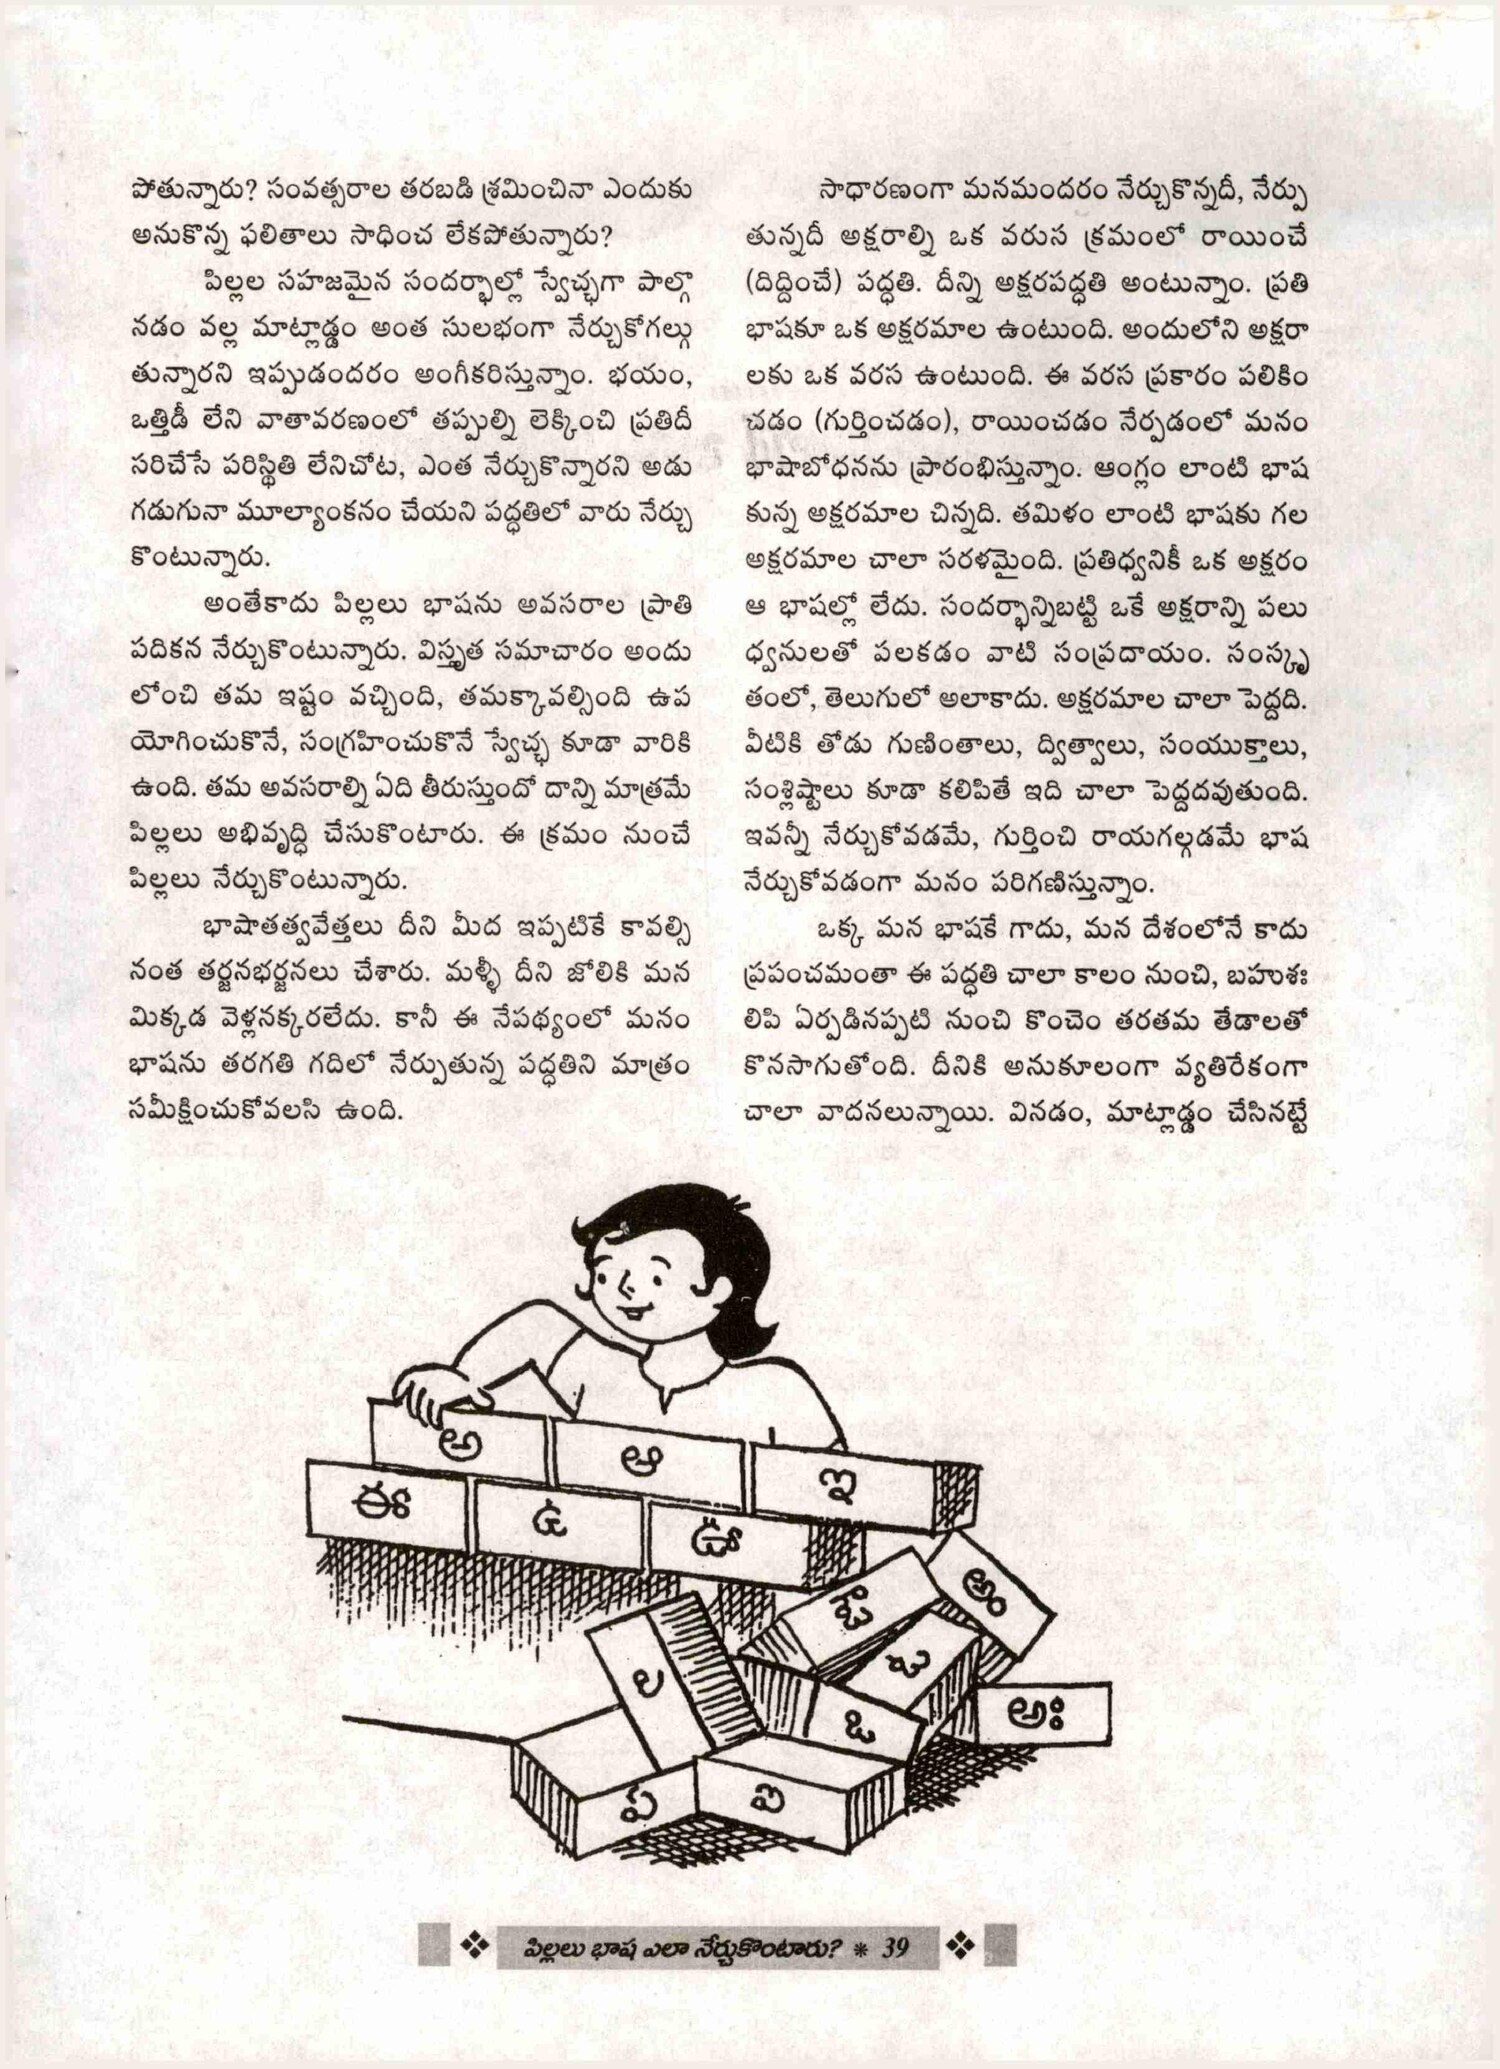పోతున్నారు? సంవత్సరాల తరబడి శ్రమించినా ఎందుకు అనుకొన్న ఫలితాలు సాధించ లేకపోతున్నారు?

పిల్లల సహజమైన సందర్భాల్లో స్వేచ్ఛగా పాల్గొనడం వల్ల మాట్లాడ్డం అంత సులభంగా నేర్చుకోగల్గుతున్నారని ఇప్పుడందరం అంగీకరిస్తున్నాం. భయం, ఒత్తిడీ లేని వాతావరణంలో తప్పుల్ని లెక్కించి ప్రతిదీ సరిచేసే పరిస్థితి లేనిచోట, ఎంత నేర్చుకొన్నారని అడుగడుగునా మూల్యాంకనం చేయని పద్ధతిలో వారు నేర్చుకొంటున్నారు.

అంతేకాదు పిల్లలు భాషను అవసరాల ప్రాతిపదికన నేర్చుకొంటున్నారు. విస్తృత సమాచారం అందులోంచి తమ ఇష్టం వచ్చింది, తమక్కావల్సింది ఉపయోగించుకొనే, సంగ్రహించుకొనే స్వేచ్ఛ కూడా వారికి ఉంది. తమ అవసరాల్ని ఏది తీరుస్తుందో దాన్ని మాత్రమే పిల్లలు అభివృద్ధి చేసుకొంటారు. ఈ క్రమం నుంచే పిల్లలు నేర్చుకొంటున్నారు.

భాషాతత్వవేత్తలు దీని మీద ఇప్పటికే కావల్సినంత తర్జనభర్జనలు చేశారు. మళ్ళీ దీని జోలికి మన మిక్కడ వెళ్లనక్కరలేదు. కానీ ఈ నేపథ్యంలో మనం భాషను తరగతి గదిలో నేర్పుతున్న పద్ధతిని మాత్రం సమీక్షించుకోవలసి ఉంది.

సాధారణంగా మనమందరం నేర్చుకొన్నదీ, నేర్పుతున్నదీ అక్షరాల్ని ఒక వరుస క్రమంలో రాయించే (దిద్దించే) పద్ధతి. దీన్ని అక్షరపద్ధతి అంటున్నాం. ప్రతి భాషకూ ఒక అక్షరమాల ఉంటుంది. అందులోని అక్షరాలకు ఒక వరస ఉంటుంది. ఈ వరస ప్రకారం పలికించడం (గుర్తించడం), రాయించడం నేర్పడంలో మనం భాషాబోధనను ప్రారంభిస్తున్నాం. ఆంగ్లం లాంటి భాషకున్న అక్షరమాల చిన్నది. తమిళం లాంటి భాషకు గల అక్షరమాల చాలా సరళమైంది. ప్రతిధ్వనికీ ఒక అక్షరం ఆ భాషల్లో లేదు. సందర్భాన్నిబట్టి ఒకే అక్షరాన్ని పలుధ్వనులతో పలకడం వాటి సంప్రదాయం. సంస్కృతంలో, తెలుగులో అలాకాదు. అక్షరమాల చాలా పెద్దది. వీటికి తోడు గుణింతాలు, ద్విత్వాలు, సంయుక్తాలు, సంశ్లిష్టాలు కూడా కలిపితే ఇది చాలా పెద్దదవుతుంది. ఇవన్నీ నేర్చుకోవడమే, గుర్తించి రాయగల్గడమే భాష నేర్చుకోవడంగా మనం పరిగణిస్తున్నాం.

ఒక్క మన భాషకే గాదు, మన దేశంలోనే కాదు ప్రపంచమంతా ఈ పద్ధతి చాలా కాలం నుంచి, బహుశః లిపి ఏర్పడినప్పటి నుంచి కొంచెం తరతమ తేడాలతో కొనసాగుతోంది. దీనికి అనుకూలంగా వ్యతిరేకంగా చాలా వాదనలున్నాయి. వినడం, మాట్లాడ్డం చేసినట్టే